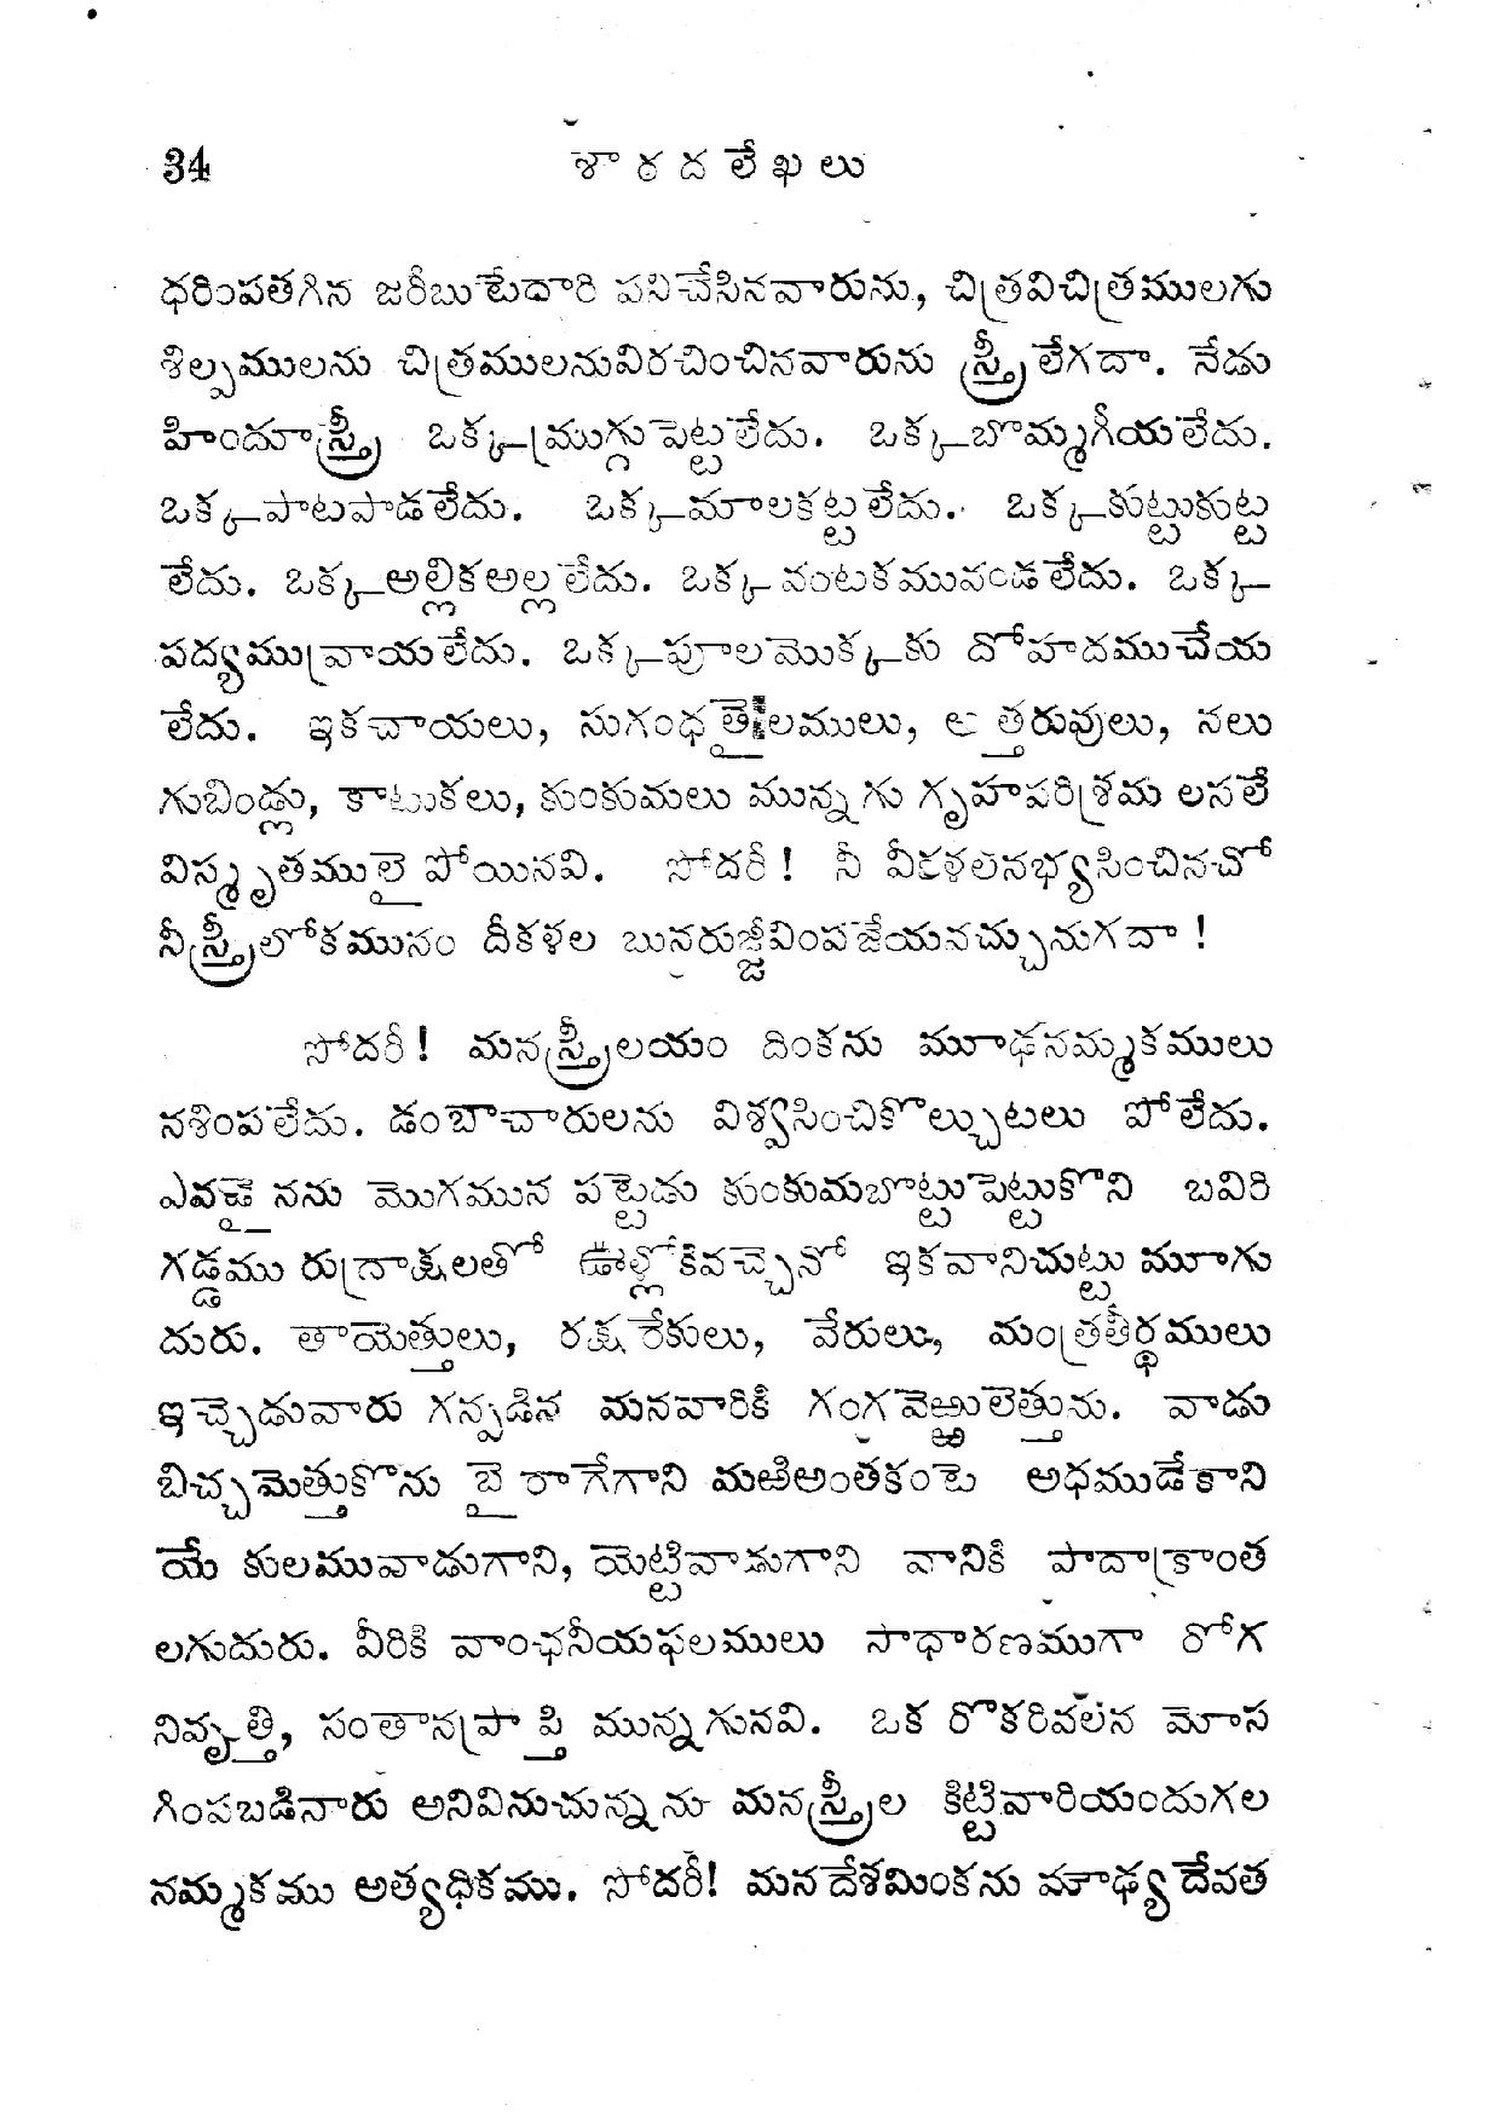ధరింపతగిన జరీబుటేదారి పనిచేసినవారును, చిత్రవిచిత్రములగు
శిల్పములను చిత్రములనువిరచించినవారును స్త్రీలేగదా. నేడు
హిందూ స్త్రీ ఒక్క మ్రుగ్గుపెట్టలేదు. ఒక్కబొమ్మగీయలేదు.
ఒక్కపాటపాడలేదు. ఒక్క మాలకట్టలేదు. ఒక్కకుట్టుకుట్ట
లేదు. ఒక్క అల్లికఅల్లలేదు. ఒక్క వంటకమువండలేదు. ఒక్క
పద్యమువ్రాయలేదు. ఒక్క పూలమొక్కకు దోహదముచేయ
లేదు. ఇకచాయలు, సుగంధ తైలములు, అత్తరువులు, నలు
గుబిండ్లు, కాటుకలు, కుంకుమలు మున్నగు గృహపరిశ్రమ లసలే
విస్మృతములై పోయినవి. సోదరీ! నీ వీకళల నభ్యసించినచో
నీస్త్రీలోకమునం దీకళల బునరుజ్జీవింపజేయవచ్చునుగదా!

సోదరీ! మనస్త్రీలయం దింకను మూఢనమ్మకములు
నశింపలేదు. డంబాచారులను విశ్వసించికొల్చుటలు పోలేదు.
ఎవడైనను మొగమున పట్టెడు కుంకుమబొట్టుపెట్టుకొని బవిరి
గడ్డము రుద్రాక్షలతో ఊళ్లోకివచ్చెనో ఇకవానిచుట్టు మూగు
దురు. తాయెత్తులు, రక్షరేకులు, వేరులు, మంత్రతీర్థములు
ఇచ్చెడువారు గన్పడిన మనవారికి గంగవెఱ్ఱులెత్తును. వాడు
బిచ్చమెత్తుకొను బైరాగేగాని మఱిఅంతకంటె అధముడేకాని 
యే కులమువాడుగాని, యెట్టివాడుగాని వానికి పాదాక్రాంత
లగుదురు. వీరికి వాంఛనీయఫలములు సాధారణముగా రోగ
నివృత్తి, సంతానప్రాప్తి మున్నగునవి. ఒక రొకరివలన మోస
గింపబడినారు అనివినుచున్నను మనస్త్రీల కిట్టివారియందుగల
నమ్మకము అత్యధికము. సోదరీ! మనదేశమింకను మౌఢ్యదేవత